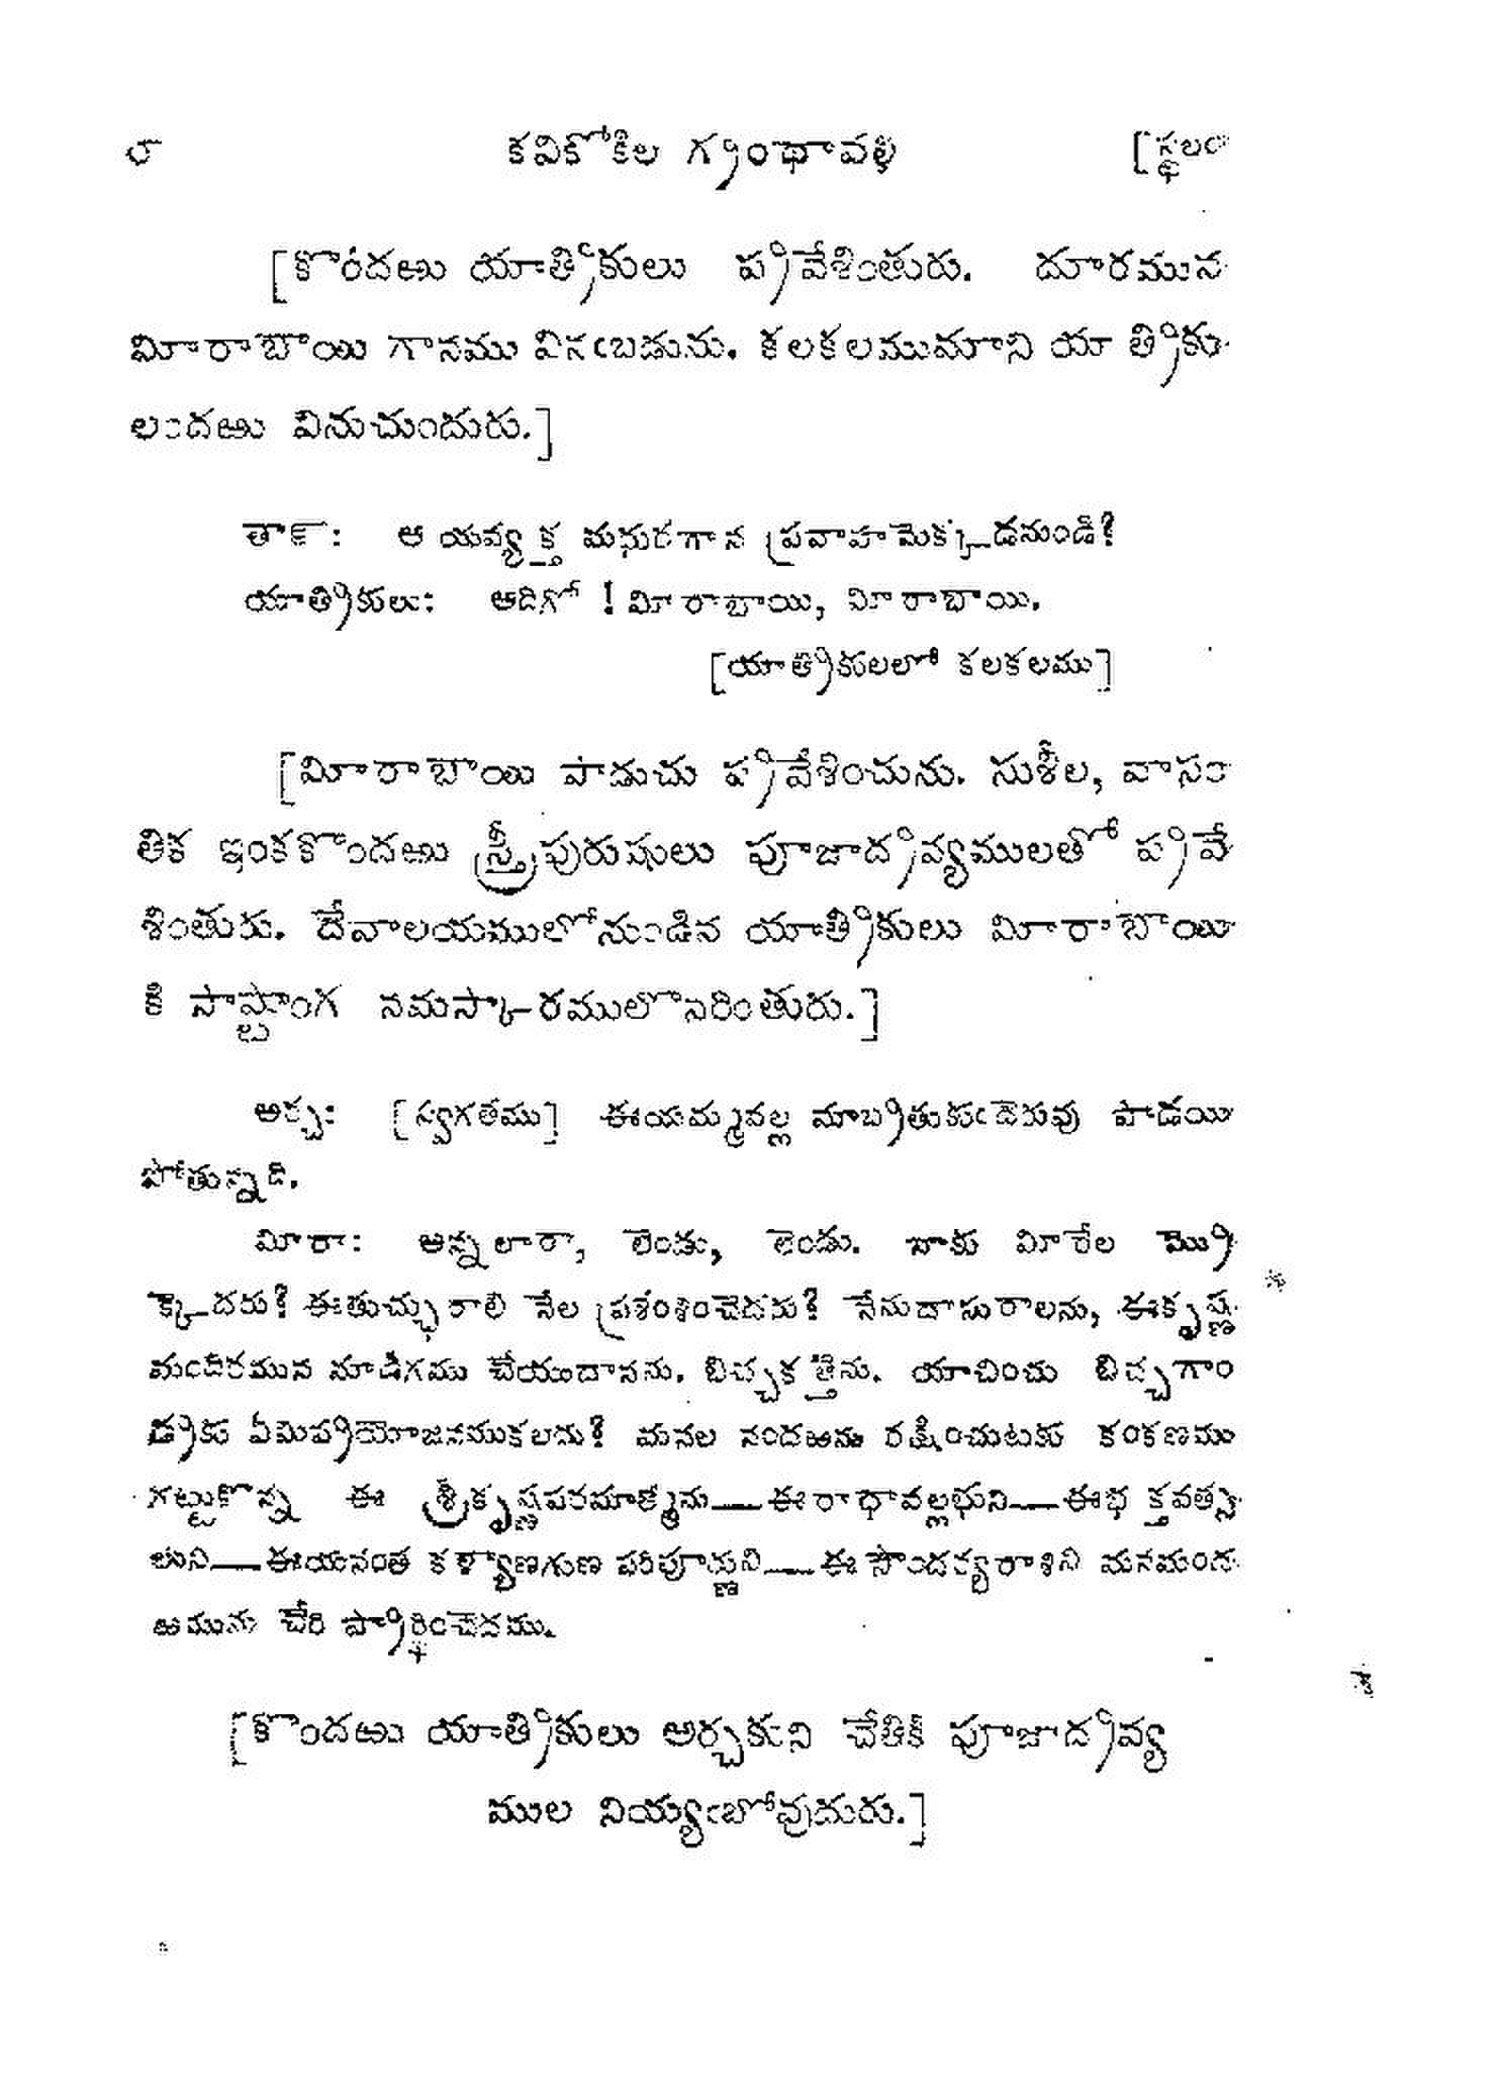తాన్ : ఆ యవ్యక్త మధురగాన ప్రవాహమెక్కడనుండి?

యాత్రికులు : అదిగో ! మీరాబాయి, మీరాబాయి.

అర్చ : [స్వగతము] ఈయమ్మవల్ల మాబ్రతుకుఁదెరువు పాడయిపోతున్నది.

మీరా : అన్న లారా, లెండు, లెండు. నాకు మీరేల మ్రొక్కెదరు ? ఈతుచ్ఛురాలి నేల ప్రశంశించెదరు ? నేనుదాసురాలను, ఈకృష్ణ మందిరమున నూడీగము చేయుదానను. బిచ్చకత్తెను. యాచించు బిచ్చగాండ్రకు ఏమిప్రయోజనముకలదు ? మనల నందఱను రక్షించుటకు కంకణము గట్టుకొన్న ఈ శ్రీకృష్ణపరమాత్మను - ఈరాధావల్లభుని - ఈభక్తవత్సలుని _ ఈయనంత కళ్యాణగుణ పరిపూర్ణుని _ ఈసౌందర్యరాశిని మనమందఱమును చేరి ప్రార్థించెదము.